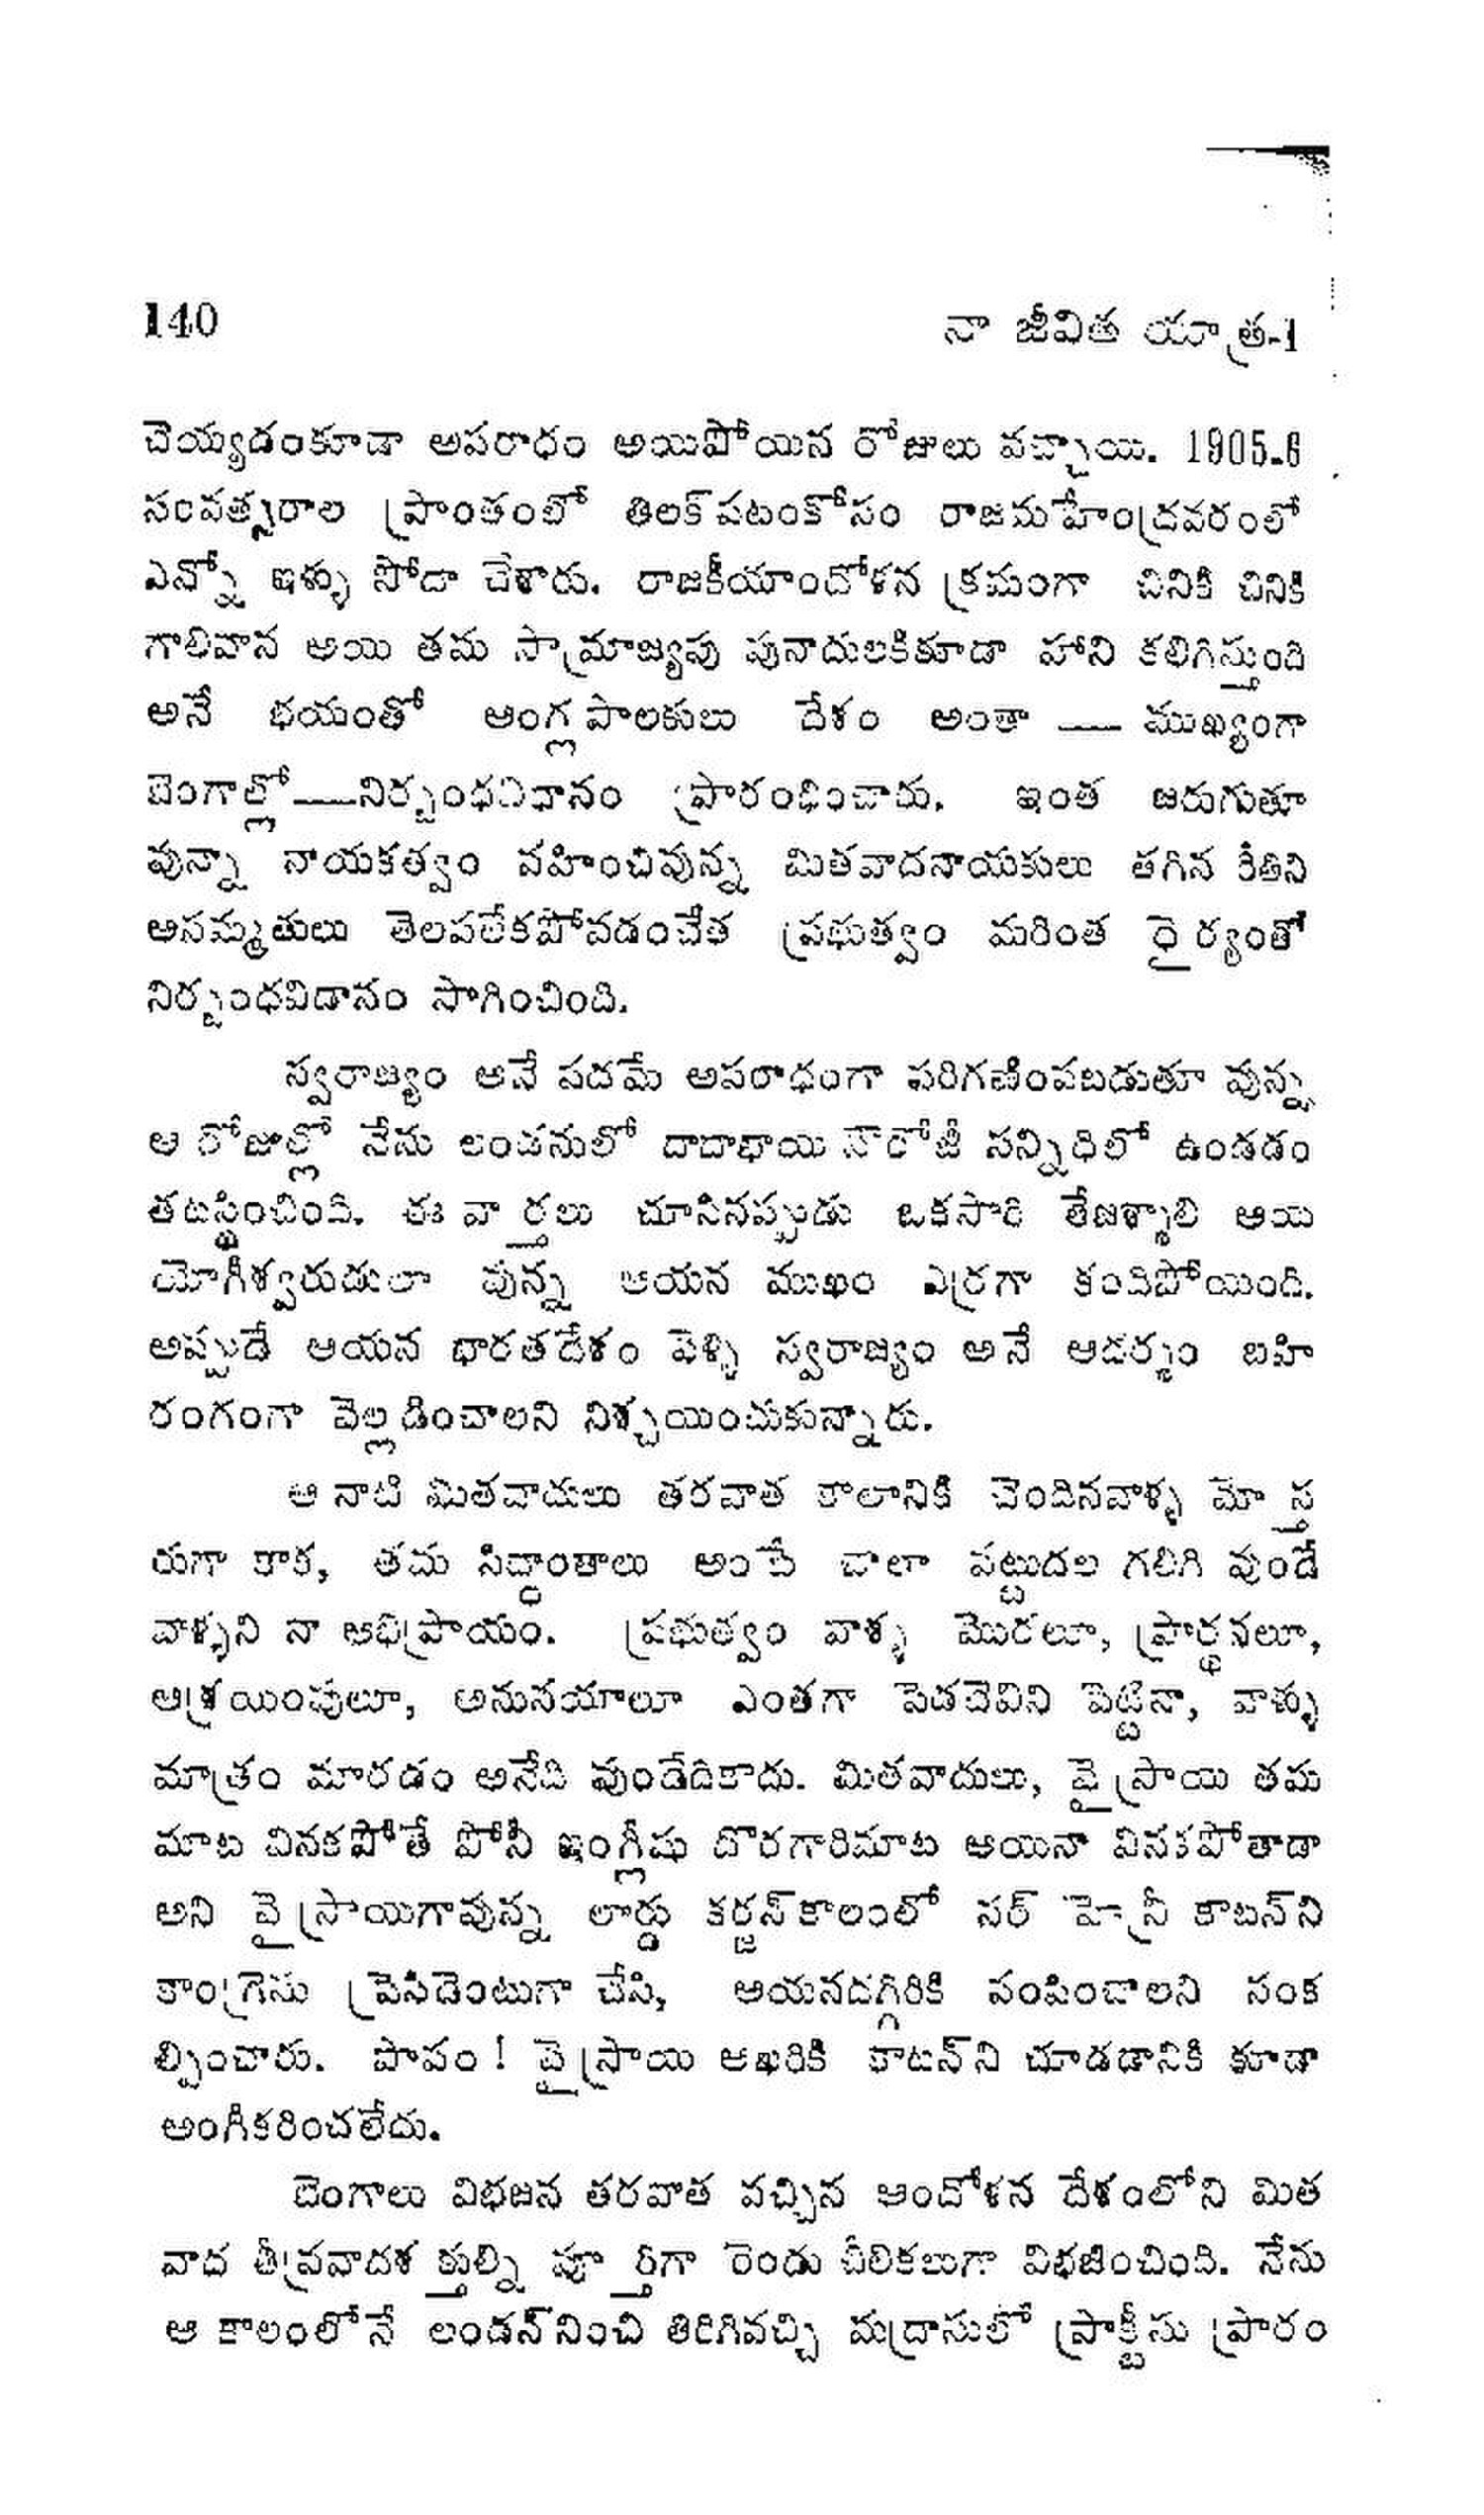చెయ్యడంకూడా అపరాధం అయిపోయిన రోజులు వచ్చాయి. 1905-6 సంవత్సరాల ప్రాంతంలో తిలక్‌పటంకోసం రాజమహేంద్రవరంలో ఎన్నో ఇళ్ళు సోదా చేశారు. రాజకీయాందోళన క్రమంగా చినికి చినికి గాలివాన అయి తమ సామ్రాజ్యపు పునాదులకికూడా హాని కలిగిస్తుంది అనే భయంతో ఆంగ్లపాలకులు దేశం అంతా - ముఖ్యంగా బెంగాల్లో - నిర్భంధ విధానం ప్రారంభించారు. ఇంత జరుగుతూ వున్నా నాయకత్వం వహించి వున్న మితవాదనాయకులు తగిన రీతిని అసమ్మతులు తెలపలేక పోవడంచేత ప్రభుత్వం మరింత ధైర్యంతో నిర్భంధవిధానం సాగించింది.

స్వరాజ్యం అనే పదమే అపరాధంగా పరిగణింపబడుతూ వున్న ఆ రోజుల్లో నేను లండనులో దాదాభాయి నౌరోజీ సన్నిధిలో ఉండడం తటస్థించింది. ఈ వార్తలు చూసినప్పుడు ఒకసారి తేజశ్శాలి అయి యోగీశ్వరుడులా వున్న ఆయన ముఖం ఎర్రగా కందిపోయింది. అప్పుడే ఆయన భారతదేశం వెళ్ళి స్వరాజ్యం అనే ఆదర్శం బహిరంగంగా వెల్లడించాలని నిశ్చయించు కున్నారు.

ఆ నాటి మితవాదులు తరవాత కాలానికి చెందినవాళ్ళ మోస్తరుగా కాక, తమ సిద్ధాంతాలు అంటే చాలా పట్టుదల గలిగి వుండే వాళ్ళని నా అభిప్రాయం. ప్రభుత్వం వాళ్ళ మొరలూ, ప్రార్థనలూ,ఆశ్రయింపులూ, అనునయాలూ ఎంతగా పెడచెవిని పెట్టినా, వాళ్ళు మాత్రం మారడం అనేది వుండేదికాదు. మితవాదులు, వైస్రాయి తమ మాట వినకపోతే పోనీ ఇంగ్లీషు దొరగారిమాట అయినా వినకపోతాడా అని వైస్రాయిగావున్న లార్డు కర్జన్‌కాలంలో సర్ హెన్రీ కాటన్‌ని కాంగ్రెసు ప్రెసిడెంటుగా చేసి, ఆయనదగ్గిరికి పంపించాలని సంకల్పించారు. పాపం! వైస్రాయి ఆఖరికి కాటన్‌ని చూడడానికి కూడా అంగీకరించలేదు.

బెంగాలు విభజన తరవాత వచ్చిన ఆందోళన దేశంలోని మితవాద తీవ్రవాదశక్తుల్ని పూర్తిగా రెండు చీలికలుగా విభజించింది. నేను ఆ కాలంలోనే లండన్‌నించి తిరిగివచ్చి మద్రాసులో ప్రాక్టీసు ప్రారం